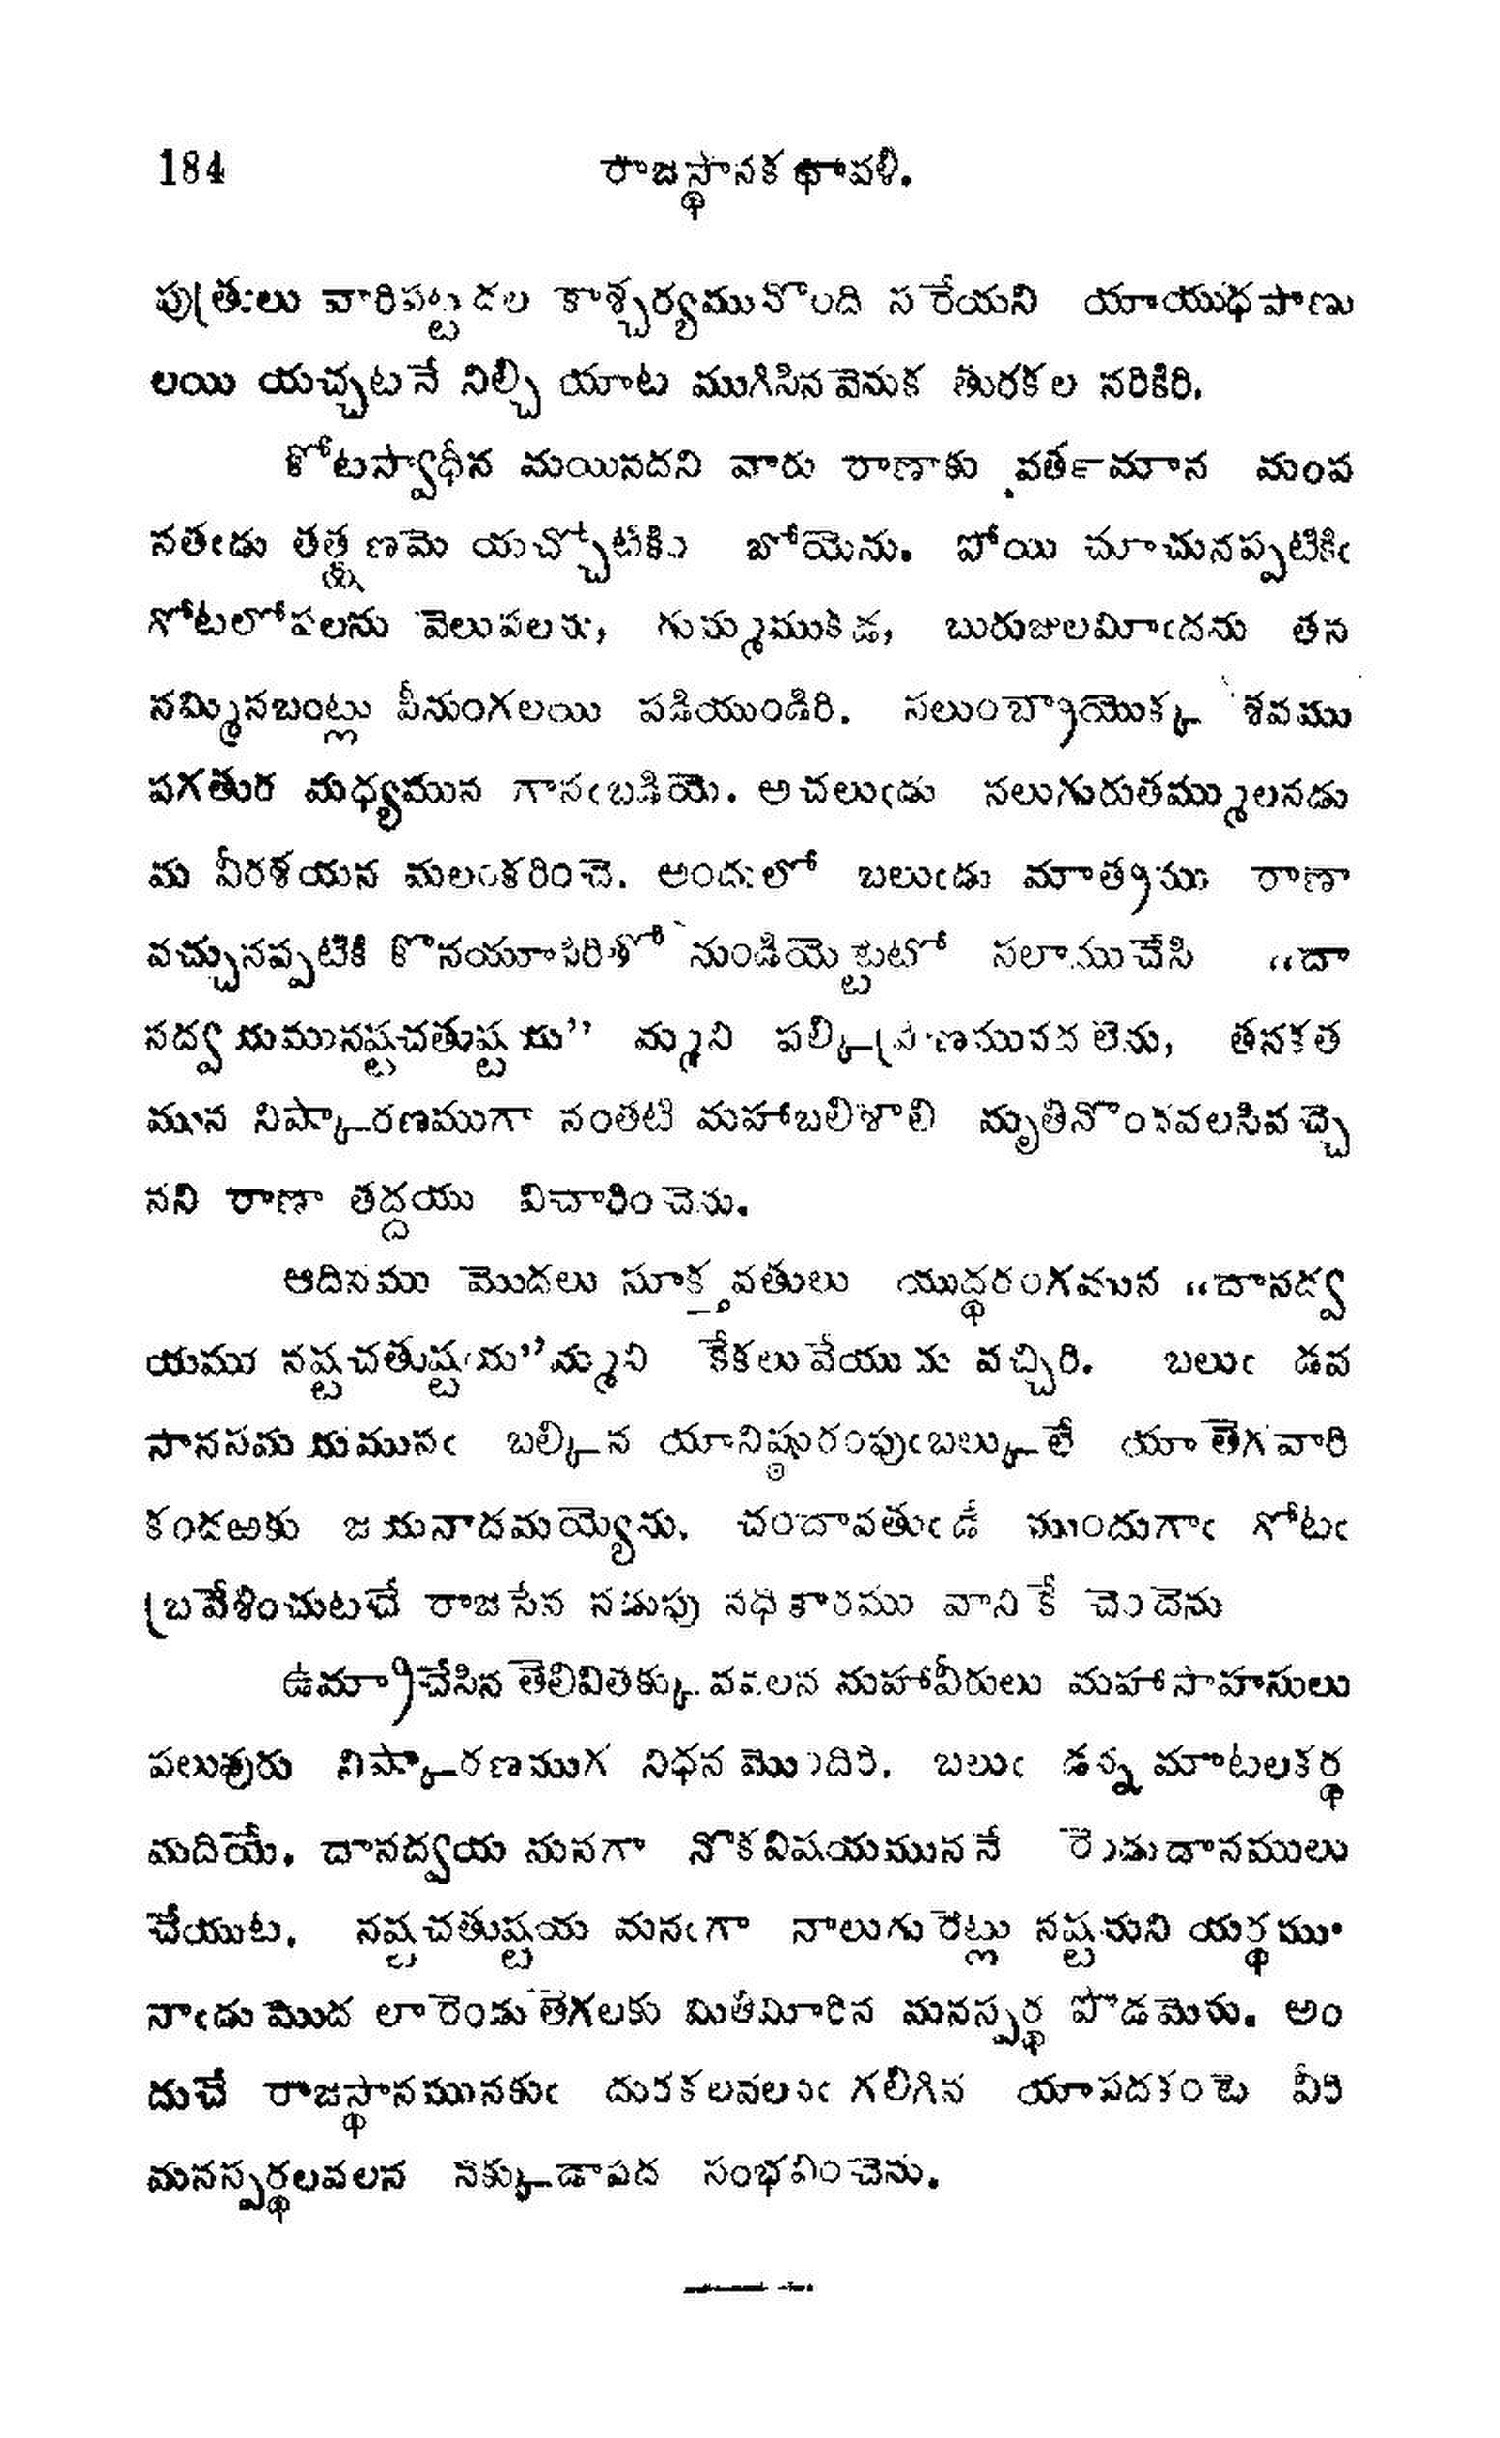పుత్రులు వారిపట్టుదల కాశ్చర్యమునొంది సరేయని యాయుధ పాణులయి యచ్చట నే నిల్చి యాట ముగిసిన వెనుక తురకల నరికిరి.

కోటస్వాధీన మయినదని వారు రాణాకు వత౯మాన మంప నతఁడు తక్షణమే యచ్చోటికిం బోయెను. పోయి చూచునప్పటికిఁ గోటలోపలను 'వెలుపలను, గుమ్మముకడ, బురుజులమీఁదను తన నమ్మినబంట్లు పీనుంగలయి పడియుండిరి. సలుంబ్రాయొక్క శవము పగతుర మధ్యమున గానఁబడియె. అచలుఁడు నలుగురు తమ్ముల నడుమ వీరశయన మలంకరించె. అందులో బలుఁడు మాత్రము, రాణా వచ్చునప్పటికీ కొనయూపిరితో నుండియెట్టెటో సలాము చేసి "దానద్యయము నష్టచతుష్టయ” మ్మని పల్కి ప్రాణమువదలెను. తనకతమున నిష్కారణముగా నంతటి మహాబలి శాలి మృతినొంచవలసివచ్చేనని రాణా తద్దయు విచారిం చెను.

ఆదినము మొదలు సూక్త వతులు యుద్ధరంగమున “ దానద్యయము నష్టచతుష్టయ" మ్మని కేకలు వేయుచు వచ్చిరి.బలుఁ డవసాన సమయమునఁ బల్కిన యానిష్ఠురంపుఁ బల్కులే యాతెగ వారి కందఱకు జయనాద మయ్యెను, చందావతుఁ డే ముందుగాఁ గోటఁ బ్రవేశించుటచే రాజసేన నడుపు నధికారము వానికే చెందెను.

ఉమ్రా చేసిన తెలివితక్కువ వలన మహావీరులు మహా సాహసులు పలువురు నిష్కారణముగ నిధన మొందిరి. బలుఁ డన్న మాటలకర్థ మదియే. దానద్వయ మనగా నొక విషయముననే రెండు దానములు చేయుట, నష్ట చతుష్టయ మనఁగా నాలుగు రెట్లు నష్టమని యర్థము. నాఁడు మొదలా రెండు తెగలకు మితిమీరిన మనస్పర్థ పొడమెను. అందుచే రాజస్థానమునకుఁ దురకలవలనఁ గలిగిన యాపదకంటె వీరి మనస్పర్థలవలన నెక్కుడాపద సంభవించెను.